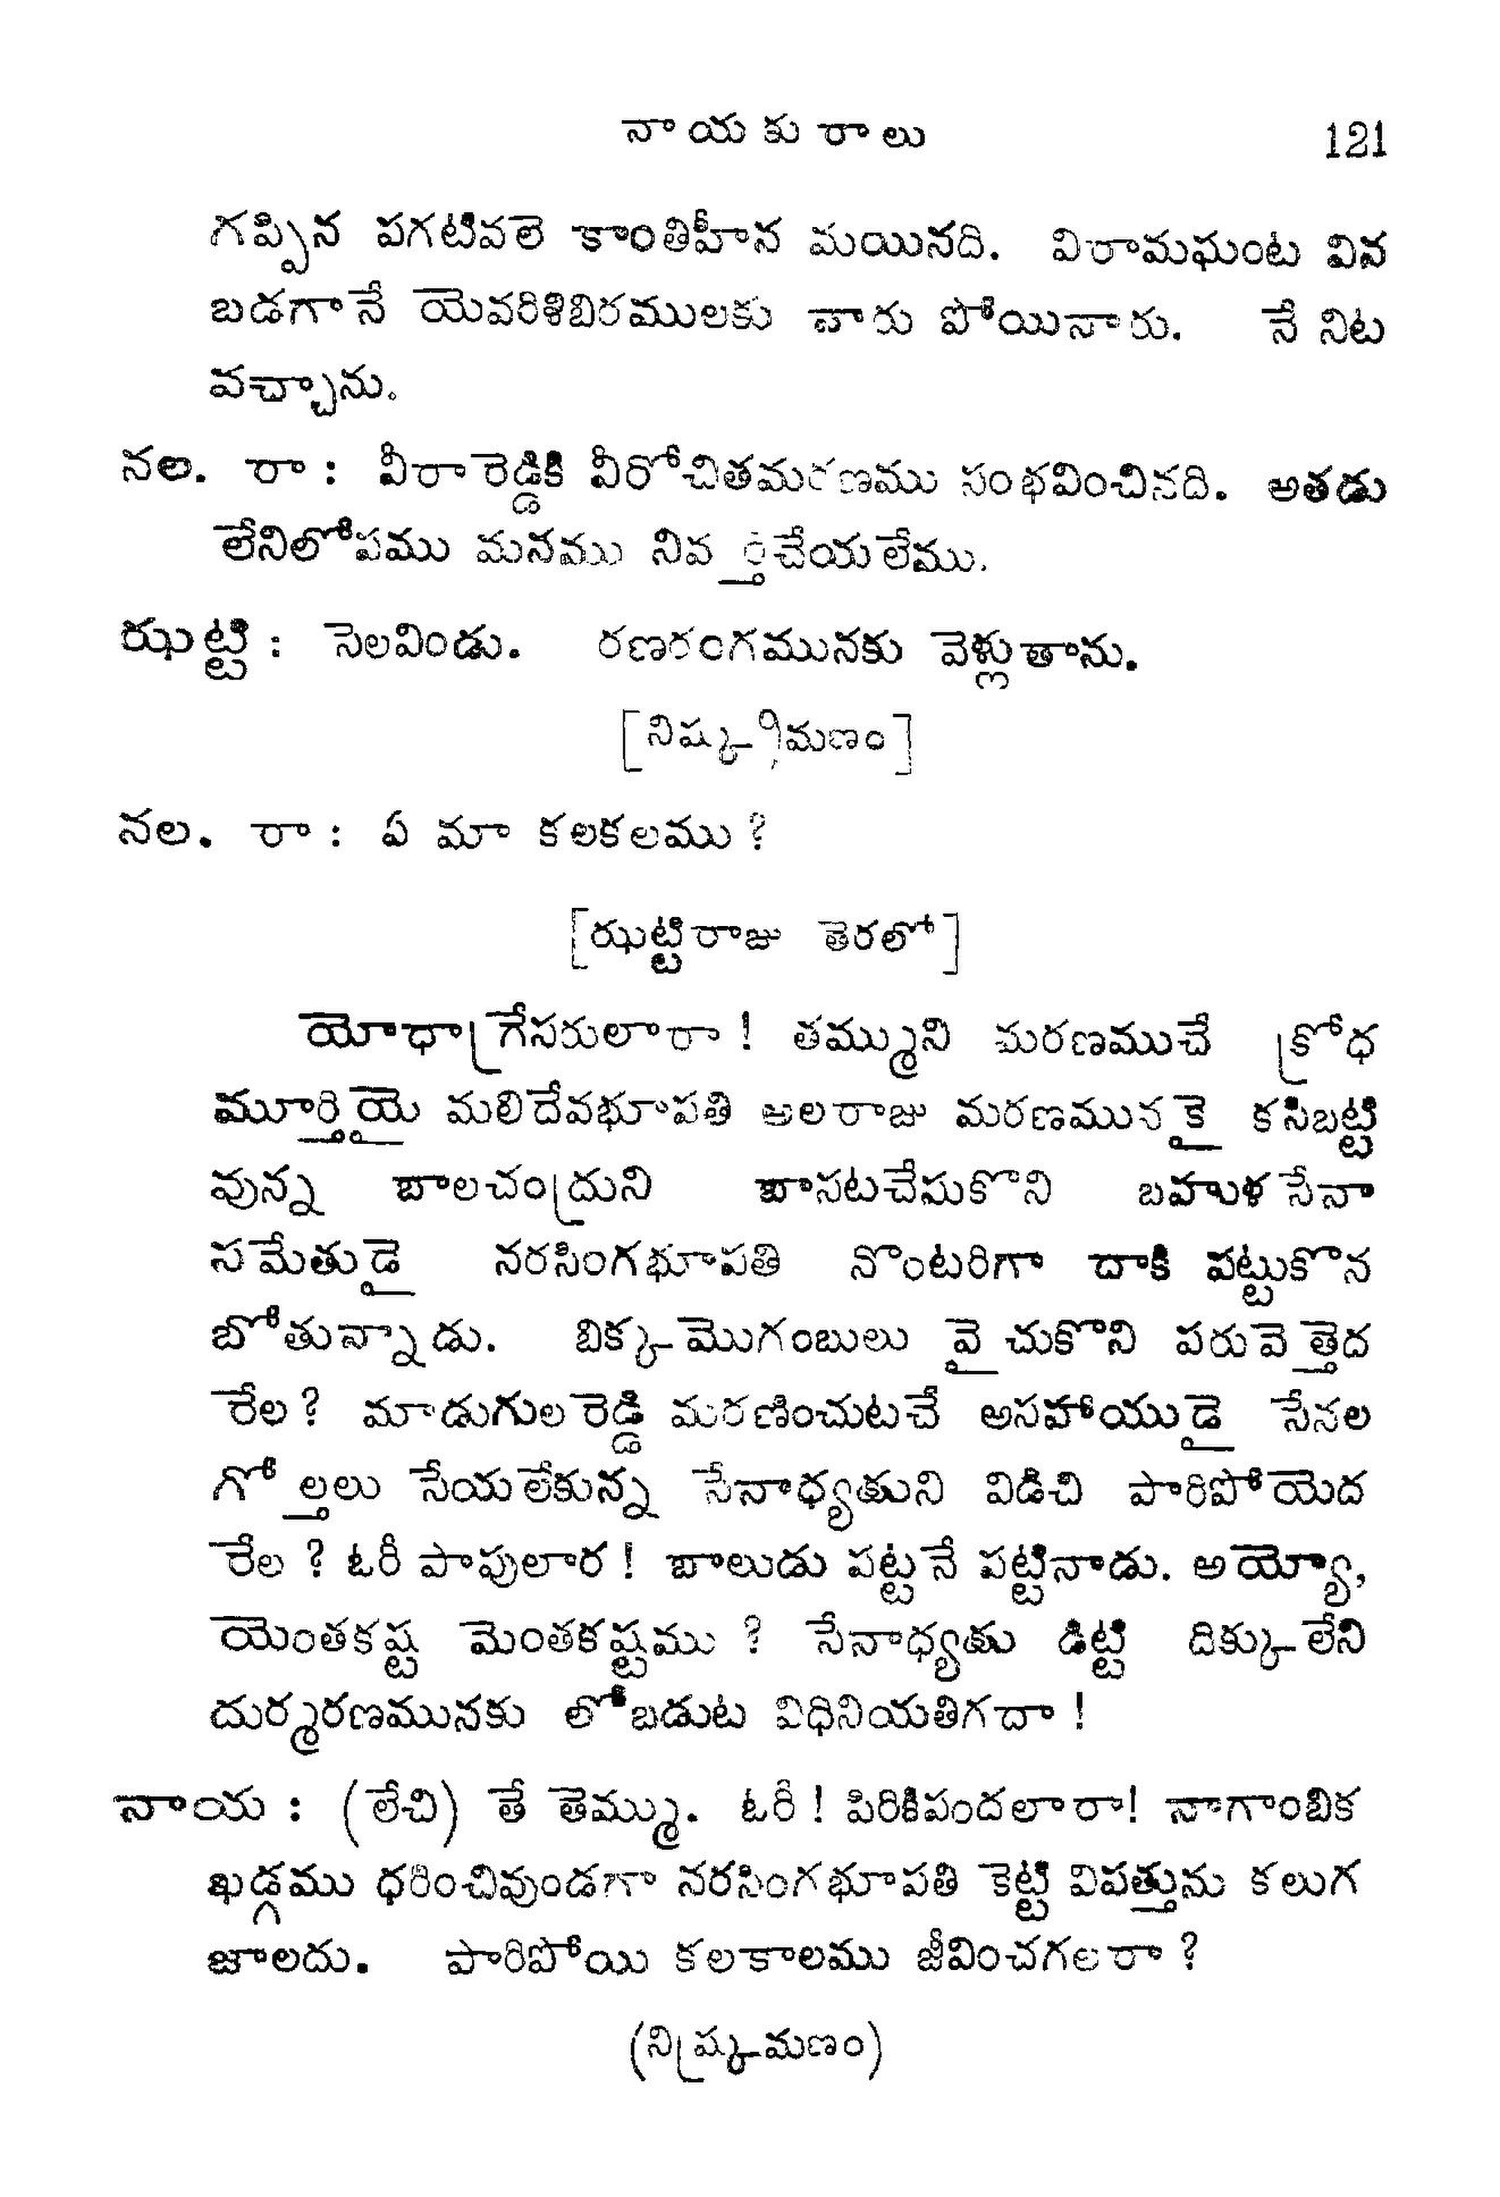గప్పిన పగటివలె కాంతిహీన మయినది. విరామఘంట వినబడగానే యెవరిశిబిరములకు వారు పోయినారు. నే నిట వచ్చాను.

నల. రా : వీరారెడ్డికి వీరోచితమరణము సంభవించినది. అతడు లేనిలోపము మనము నివర్తిచేయలేము.

ఝట్టి : సెలవిండు. రణరంగమునకు వెళ్లుతాను.

నల. రా: ఏ మా కలకలము ?

యోధాగ్రేసరులారా ! తమ్ముని మరణముచే క్రోధమూర్తియై మలిదేవభూపతి అలరాజు మరణమునకై కసిబట్టివున్న బాలచంద్రుని బాసటచేసుకొని బహుళ సేనాసమేతుడై నరసింగభూపతి నొంటరిగా దాకి పట్టుకొనబోతున్నాడు. బిక్క మొగంబులు వైచుకొని పరువెత్తెద రేల ? మాడుగులరెడ్డి మరణించుటచే అసహాయుడై సేనల గోల్తలు సేయలేకున్న సేనాధ్యక్షుని విడిచి పారిపోయెద రేల ? ఓరీ పాపులార ! బాలుడు పట్టనే పట్టినాడు. అయ్యో, యెంతకష్ట మెంతకష్టము ? సేనాధ్యక్షు డిట్టి దిక్కులేని
దుర్మరణమునకు లోబడుట విధినియతిగదా !

నాయ : (లేచి) తే తెమ్ము. ఓరీ! పిరికిపందలారా! నాగాంబిక ఖడ్గము ధరించివుండగా నరసింగభూపతి కెట్టి విపత్తును కలుగ జాలదు. పారిపోయి కలకాలము జీవించగలరా?